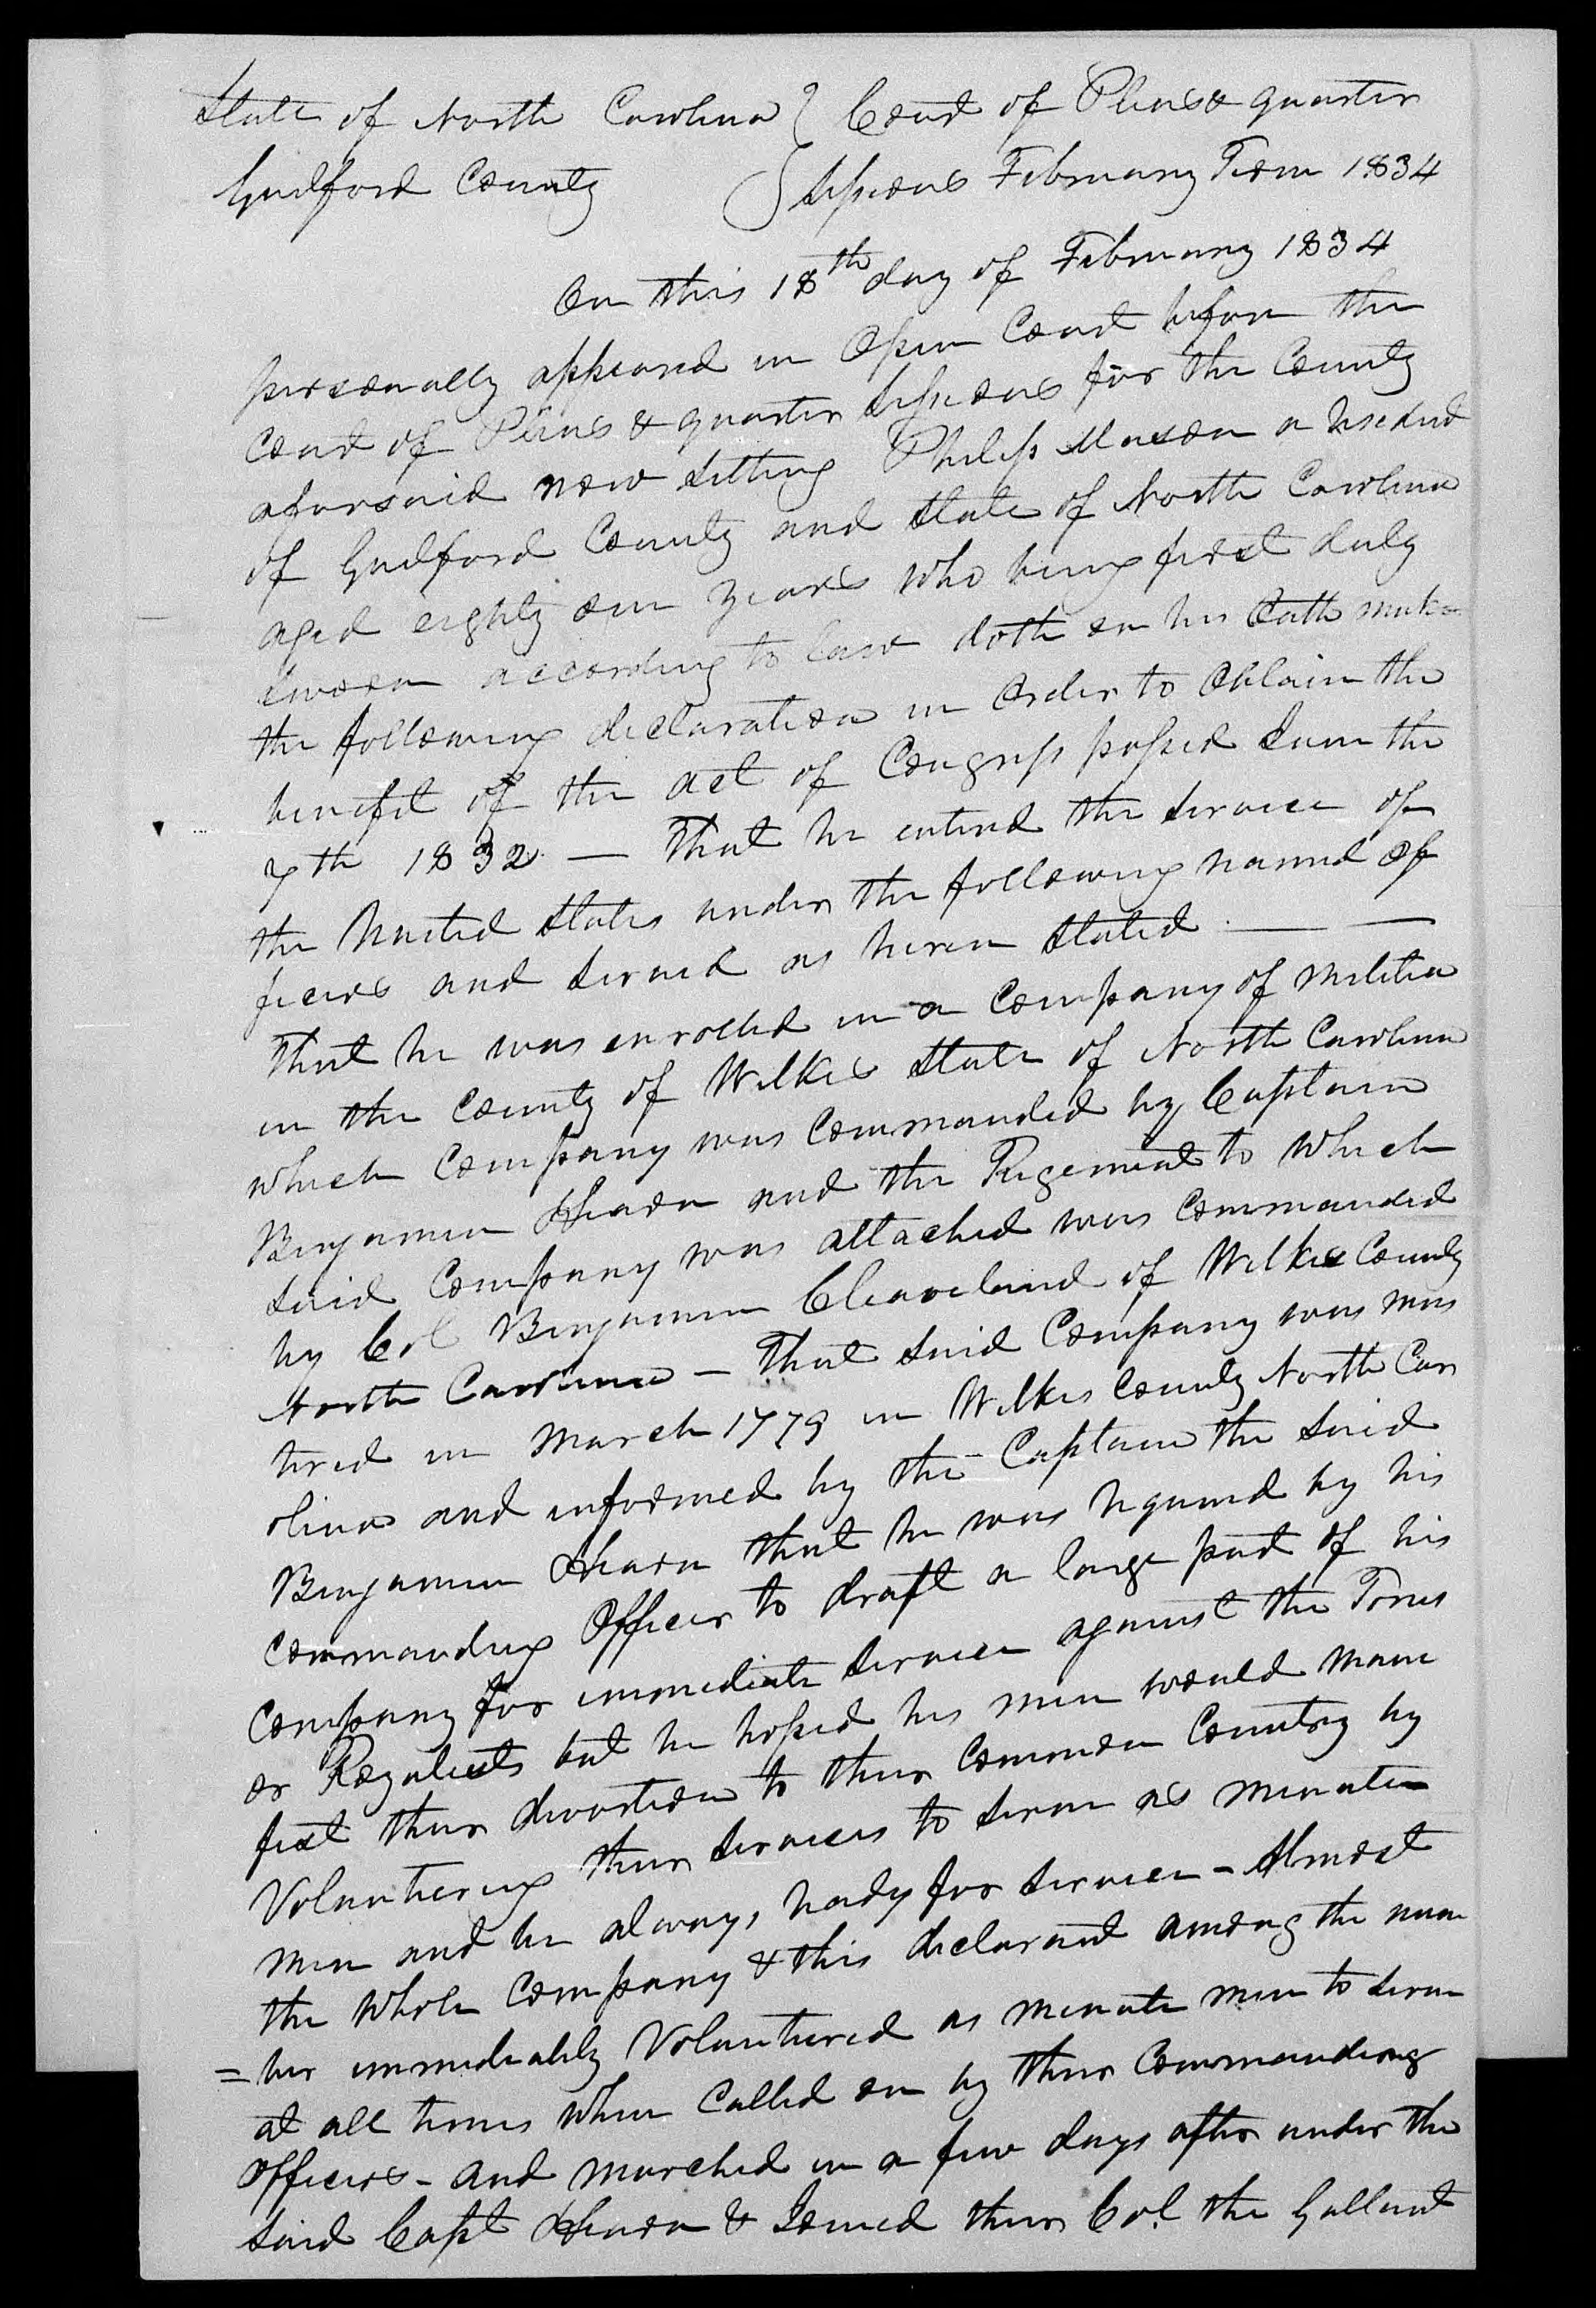State of North Carolina Guilford County

Court of Pleas & quarter Sessions February Term 1834

On this 18th day of February 834 personally appeared in open court before the Court of Pleas & quarter Sessions for the county aforesaid now sitting Philip Mason a resident of Guilford County and state of North Carolina aged eighty one years who being first duly sworn according to law doth on his oath make the following declaration on order to obtain the benefit of the act of Congress passed down the 7th 1832 - That he entered the service of the United States under the following named officers and served as herein stated. - That he was enrolled in a company of militia in the county of Wilkes state of North Carolina which company was commanded by Captain Benjamin Herndon and the Regiment to which said company was attached was commanded by Col Benjamin Cleveland of Wilkes County North Carolina - That said company was mustered in March 1779 in Wilkes County North Carolina and informed by the Captain the said Benjamin Hearn that he was informed by his commanding officer to draft a large part of his company for immediate service against the Tories or loyalists but he hoped his men would manifest their devotion to their common country by volunteering their services to serve as minutemen and be always, ready for service - Almost the whole company & this declarant among the number immediately volunteered as minute men to serve at all times when called on by their commanding officers. And marched in a few days after under the said Capt Hearndon & (illegible) then Col. the Gallant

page: 4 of 18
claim: survivor's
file: S. 8,994, for Philip Mason, North Carolina